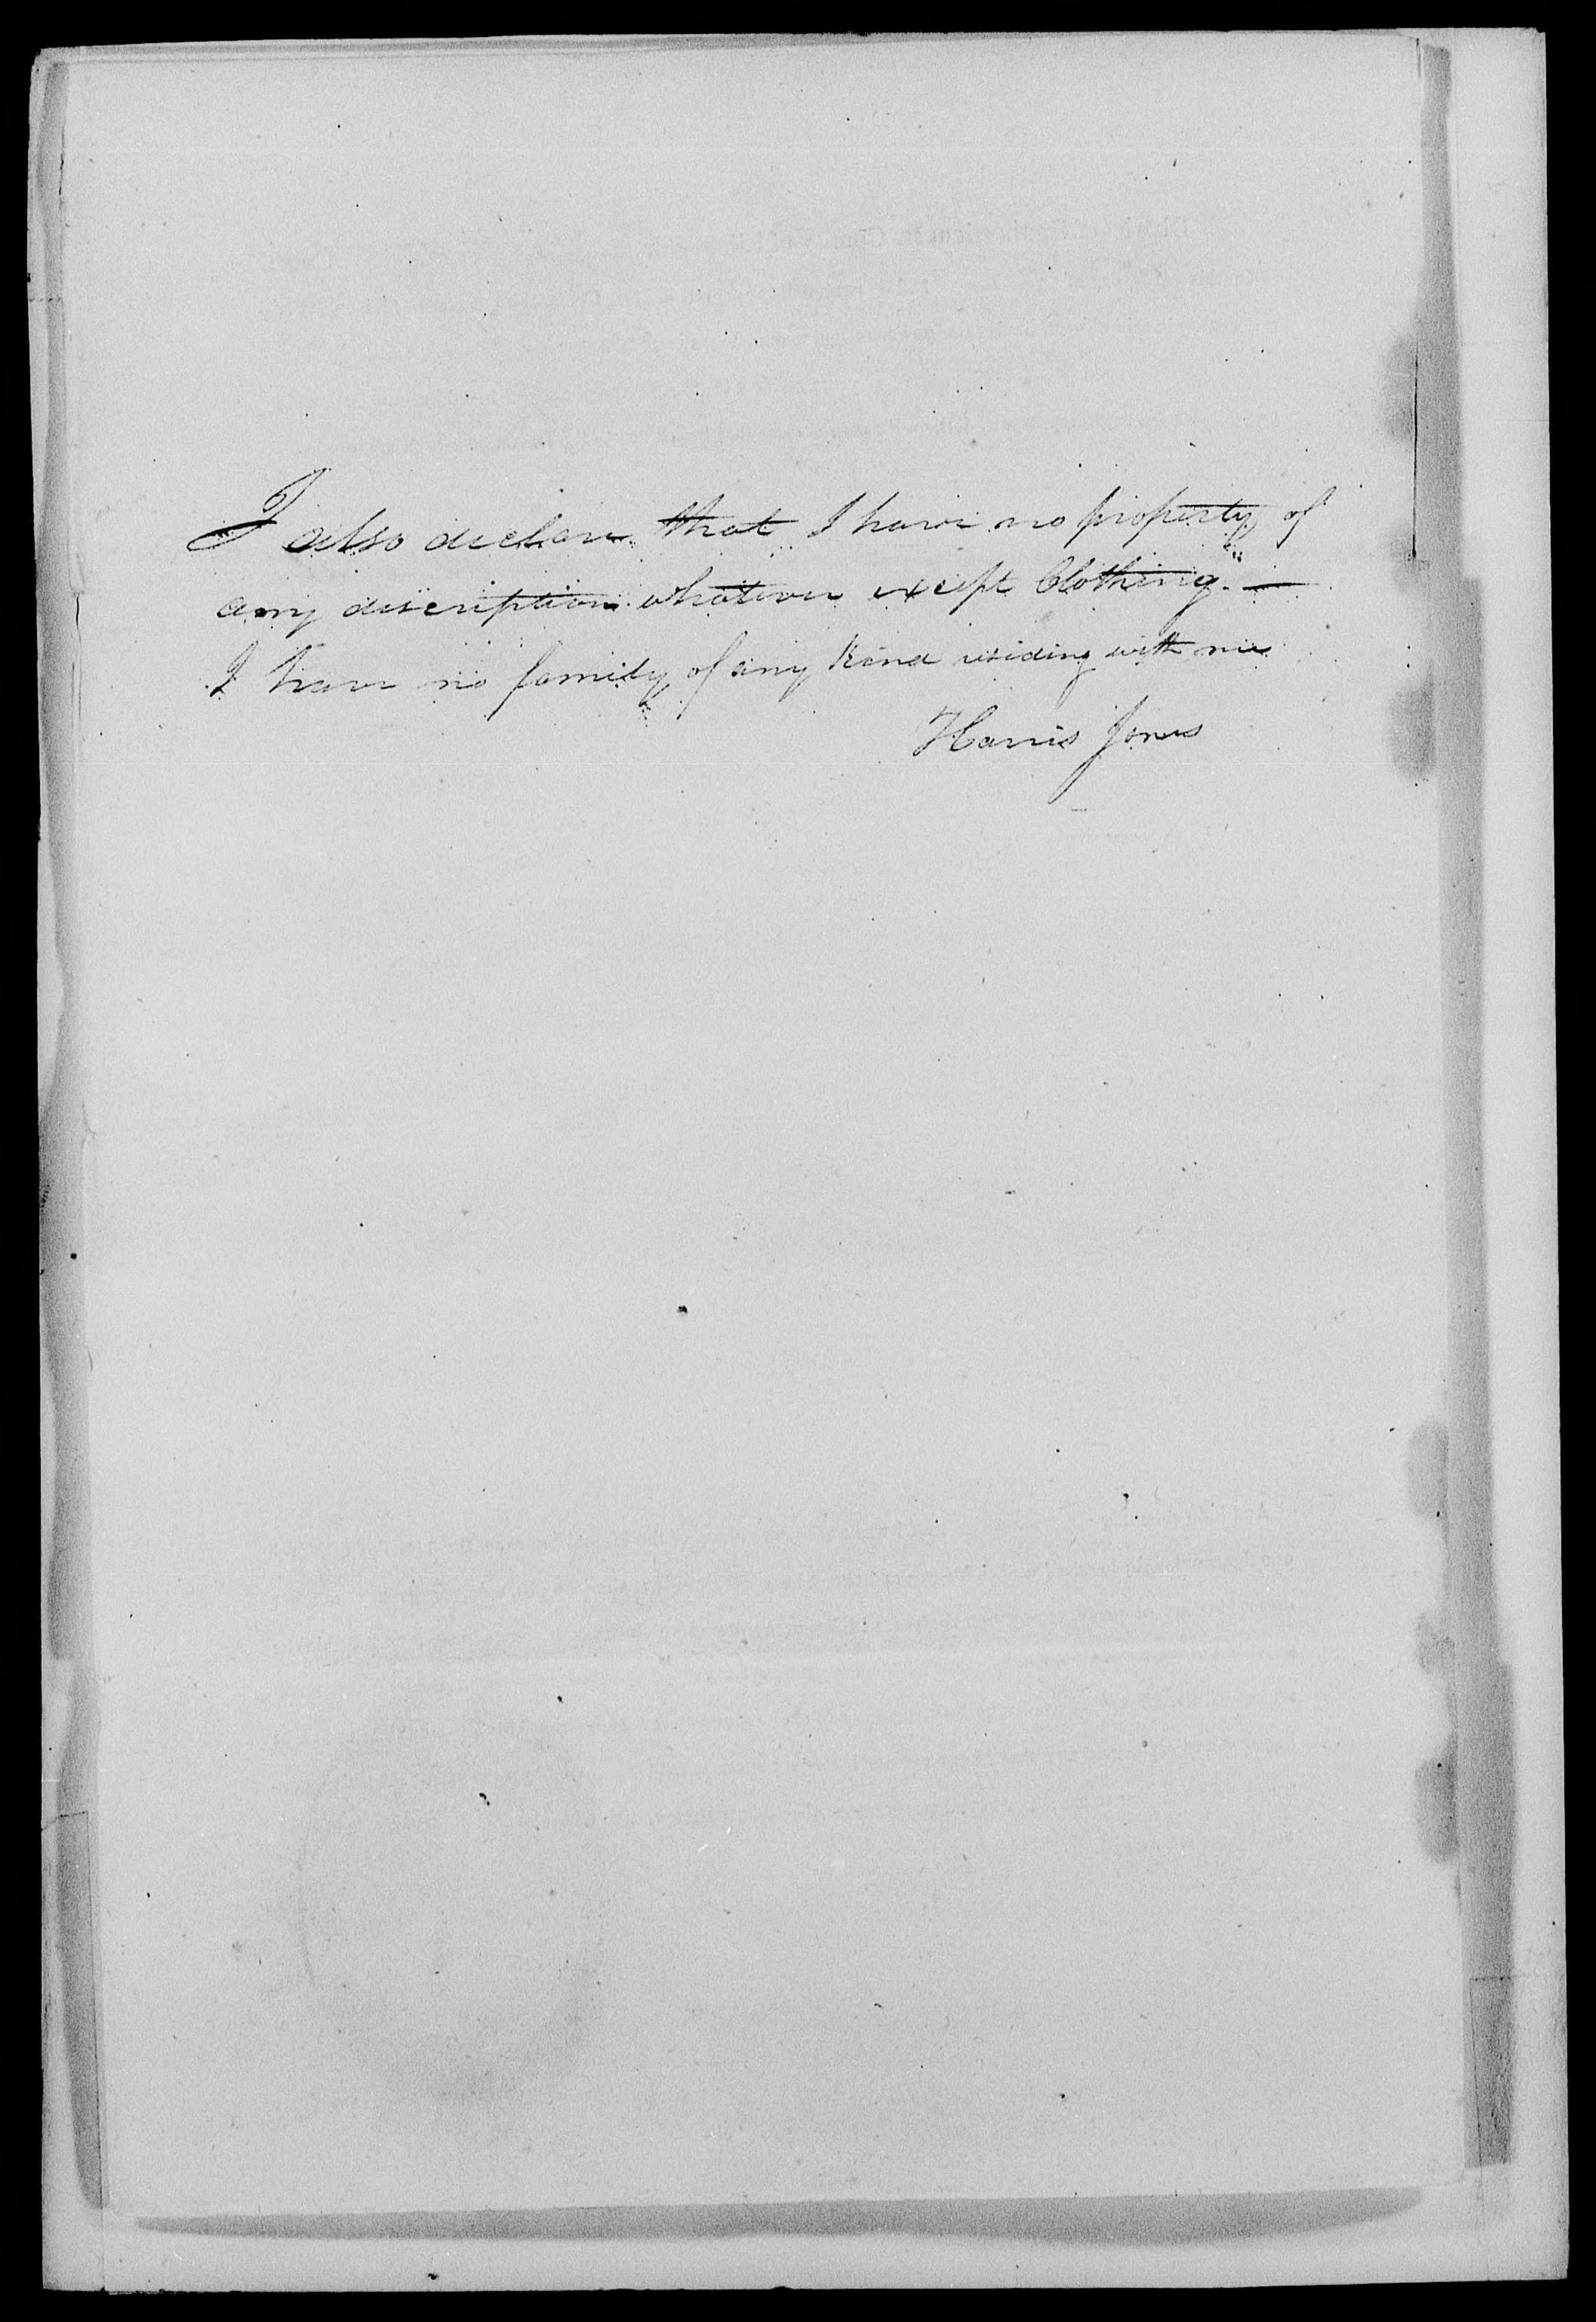I also declare that I have no property of
any description whatever except clothing.
I have no family of any kind residing with me
Harris Jones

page: 5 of 11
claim: survivor's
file: S. 36655, for Harris Jones, Connecticut